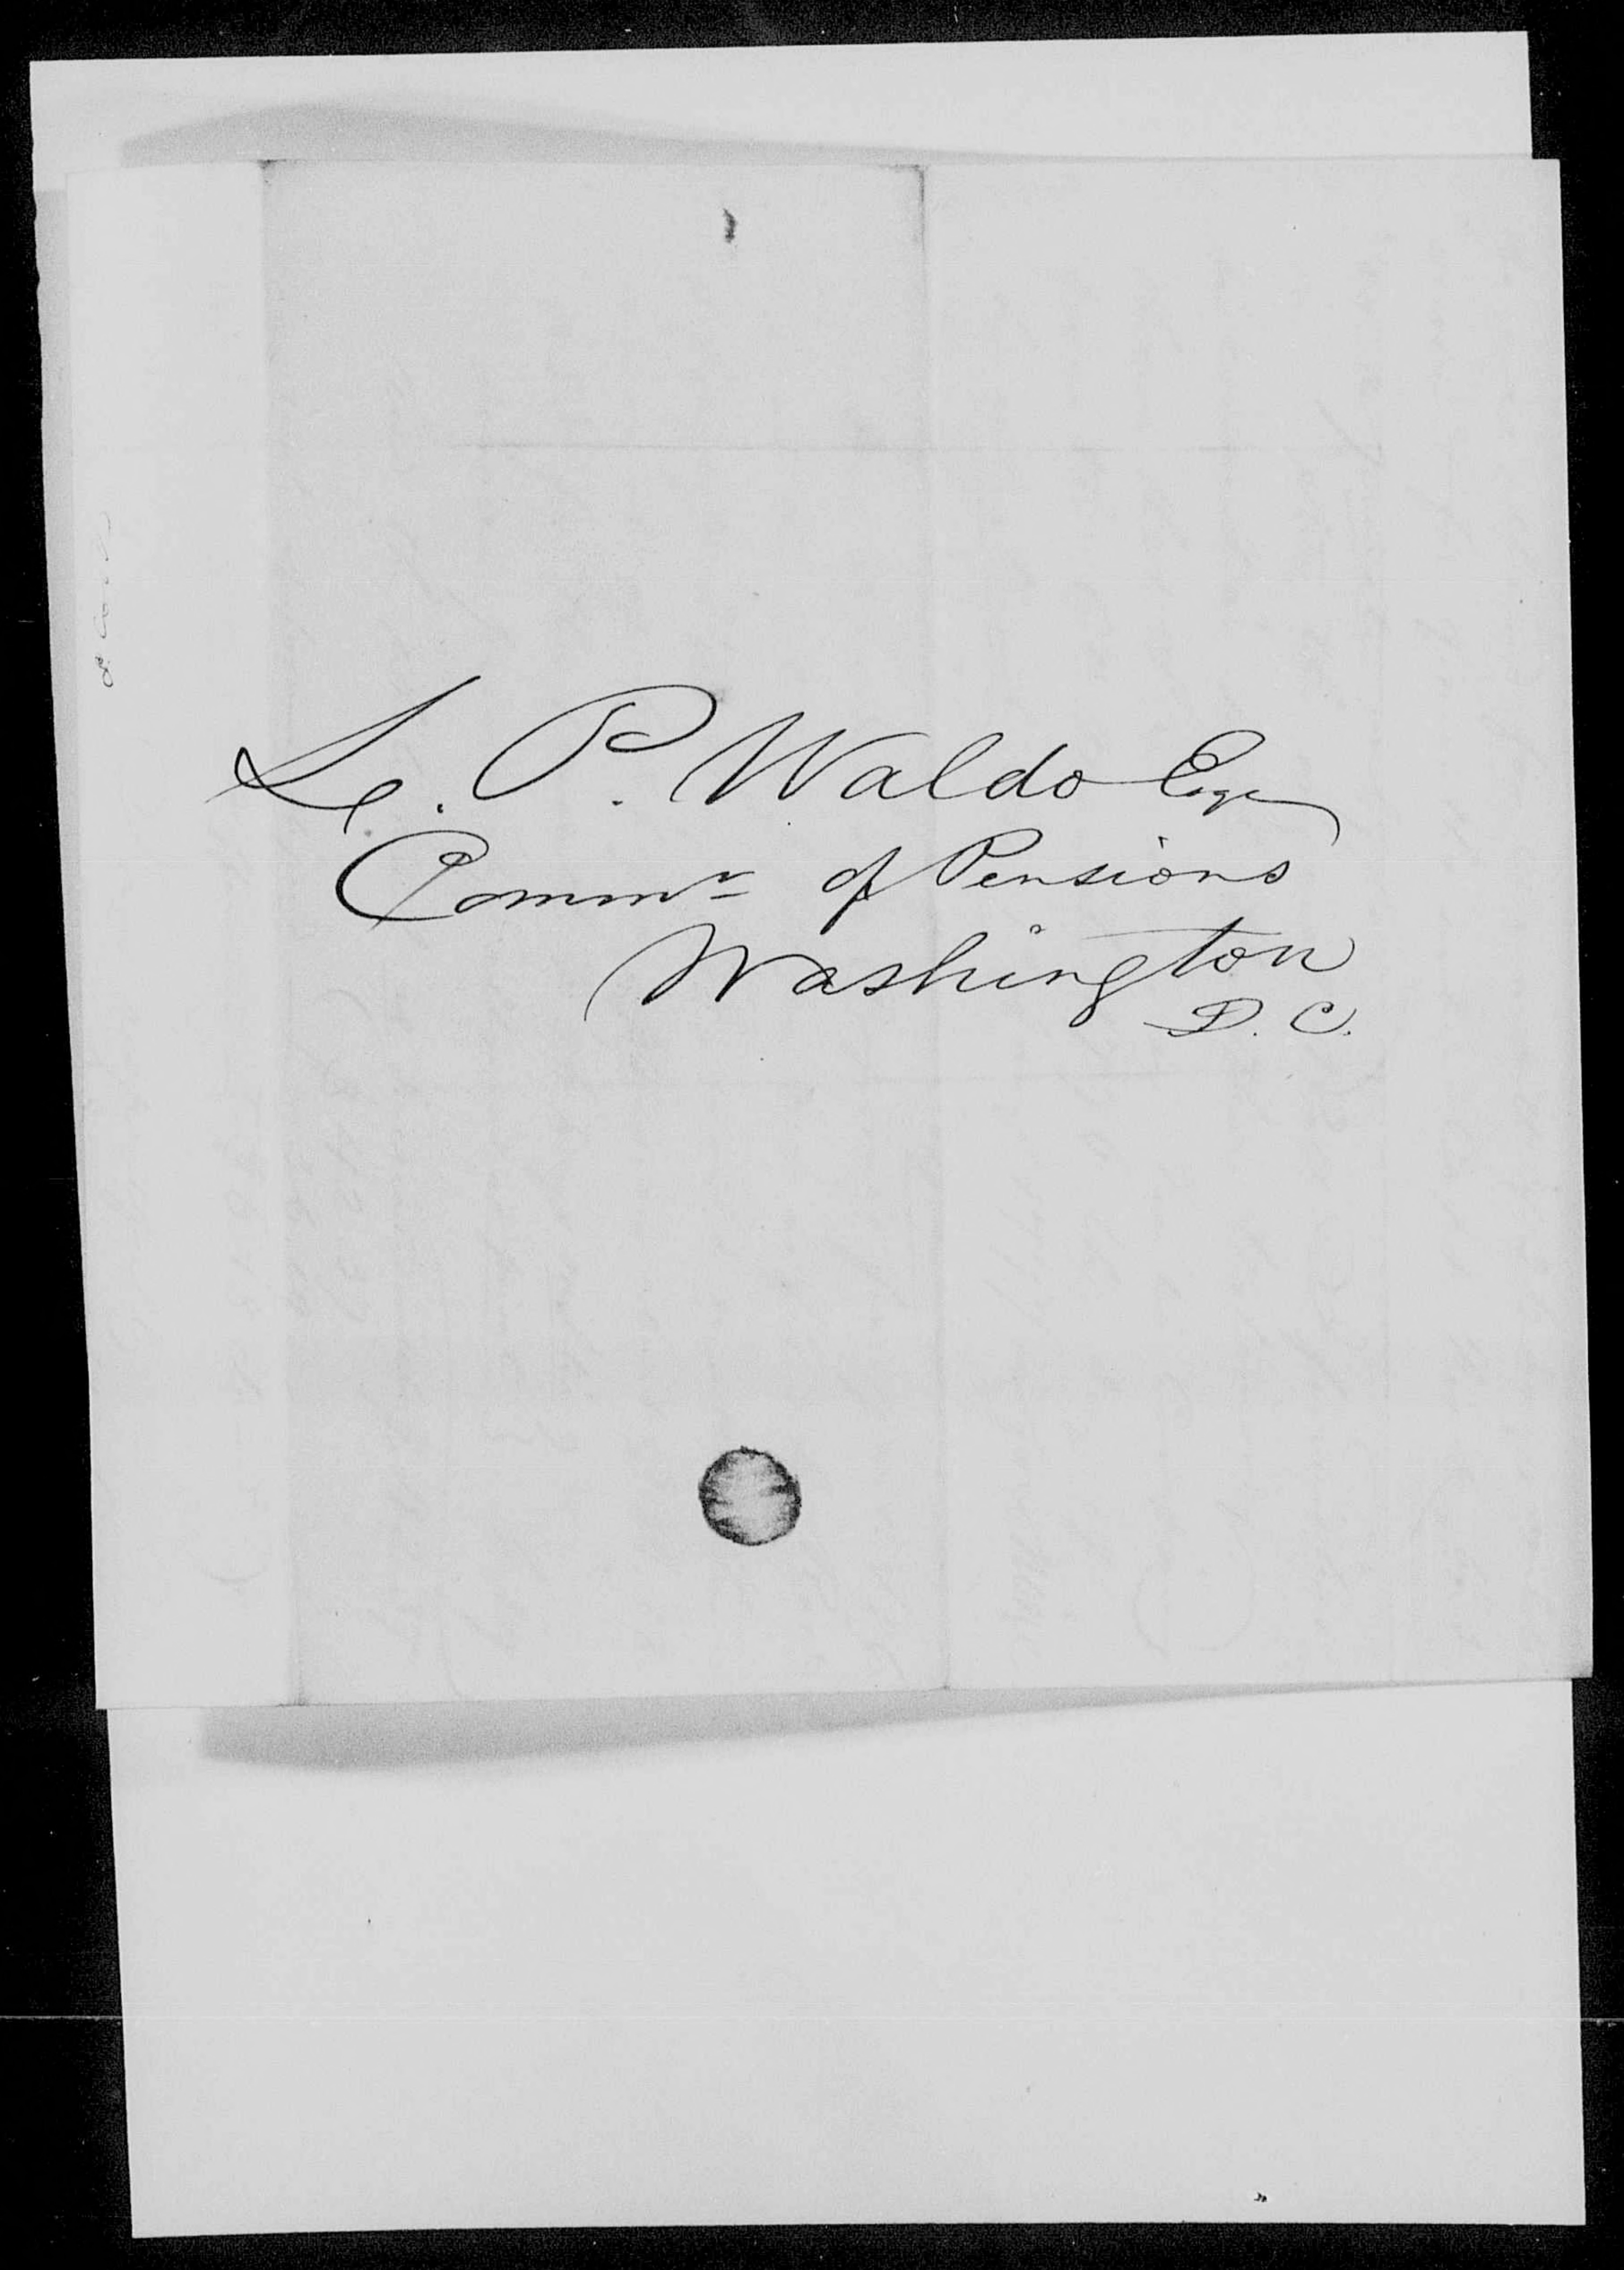L.P. Waldo Esq
Commr of Pensions
Washington D.C.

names: L P Waldo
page: 35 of 51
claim: survivor's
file: S. 12563, Severinus Cook, New York